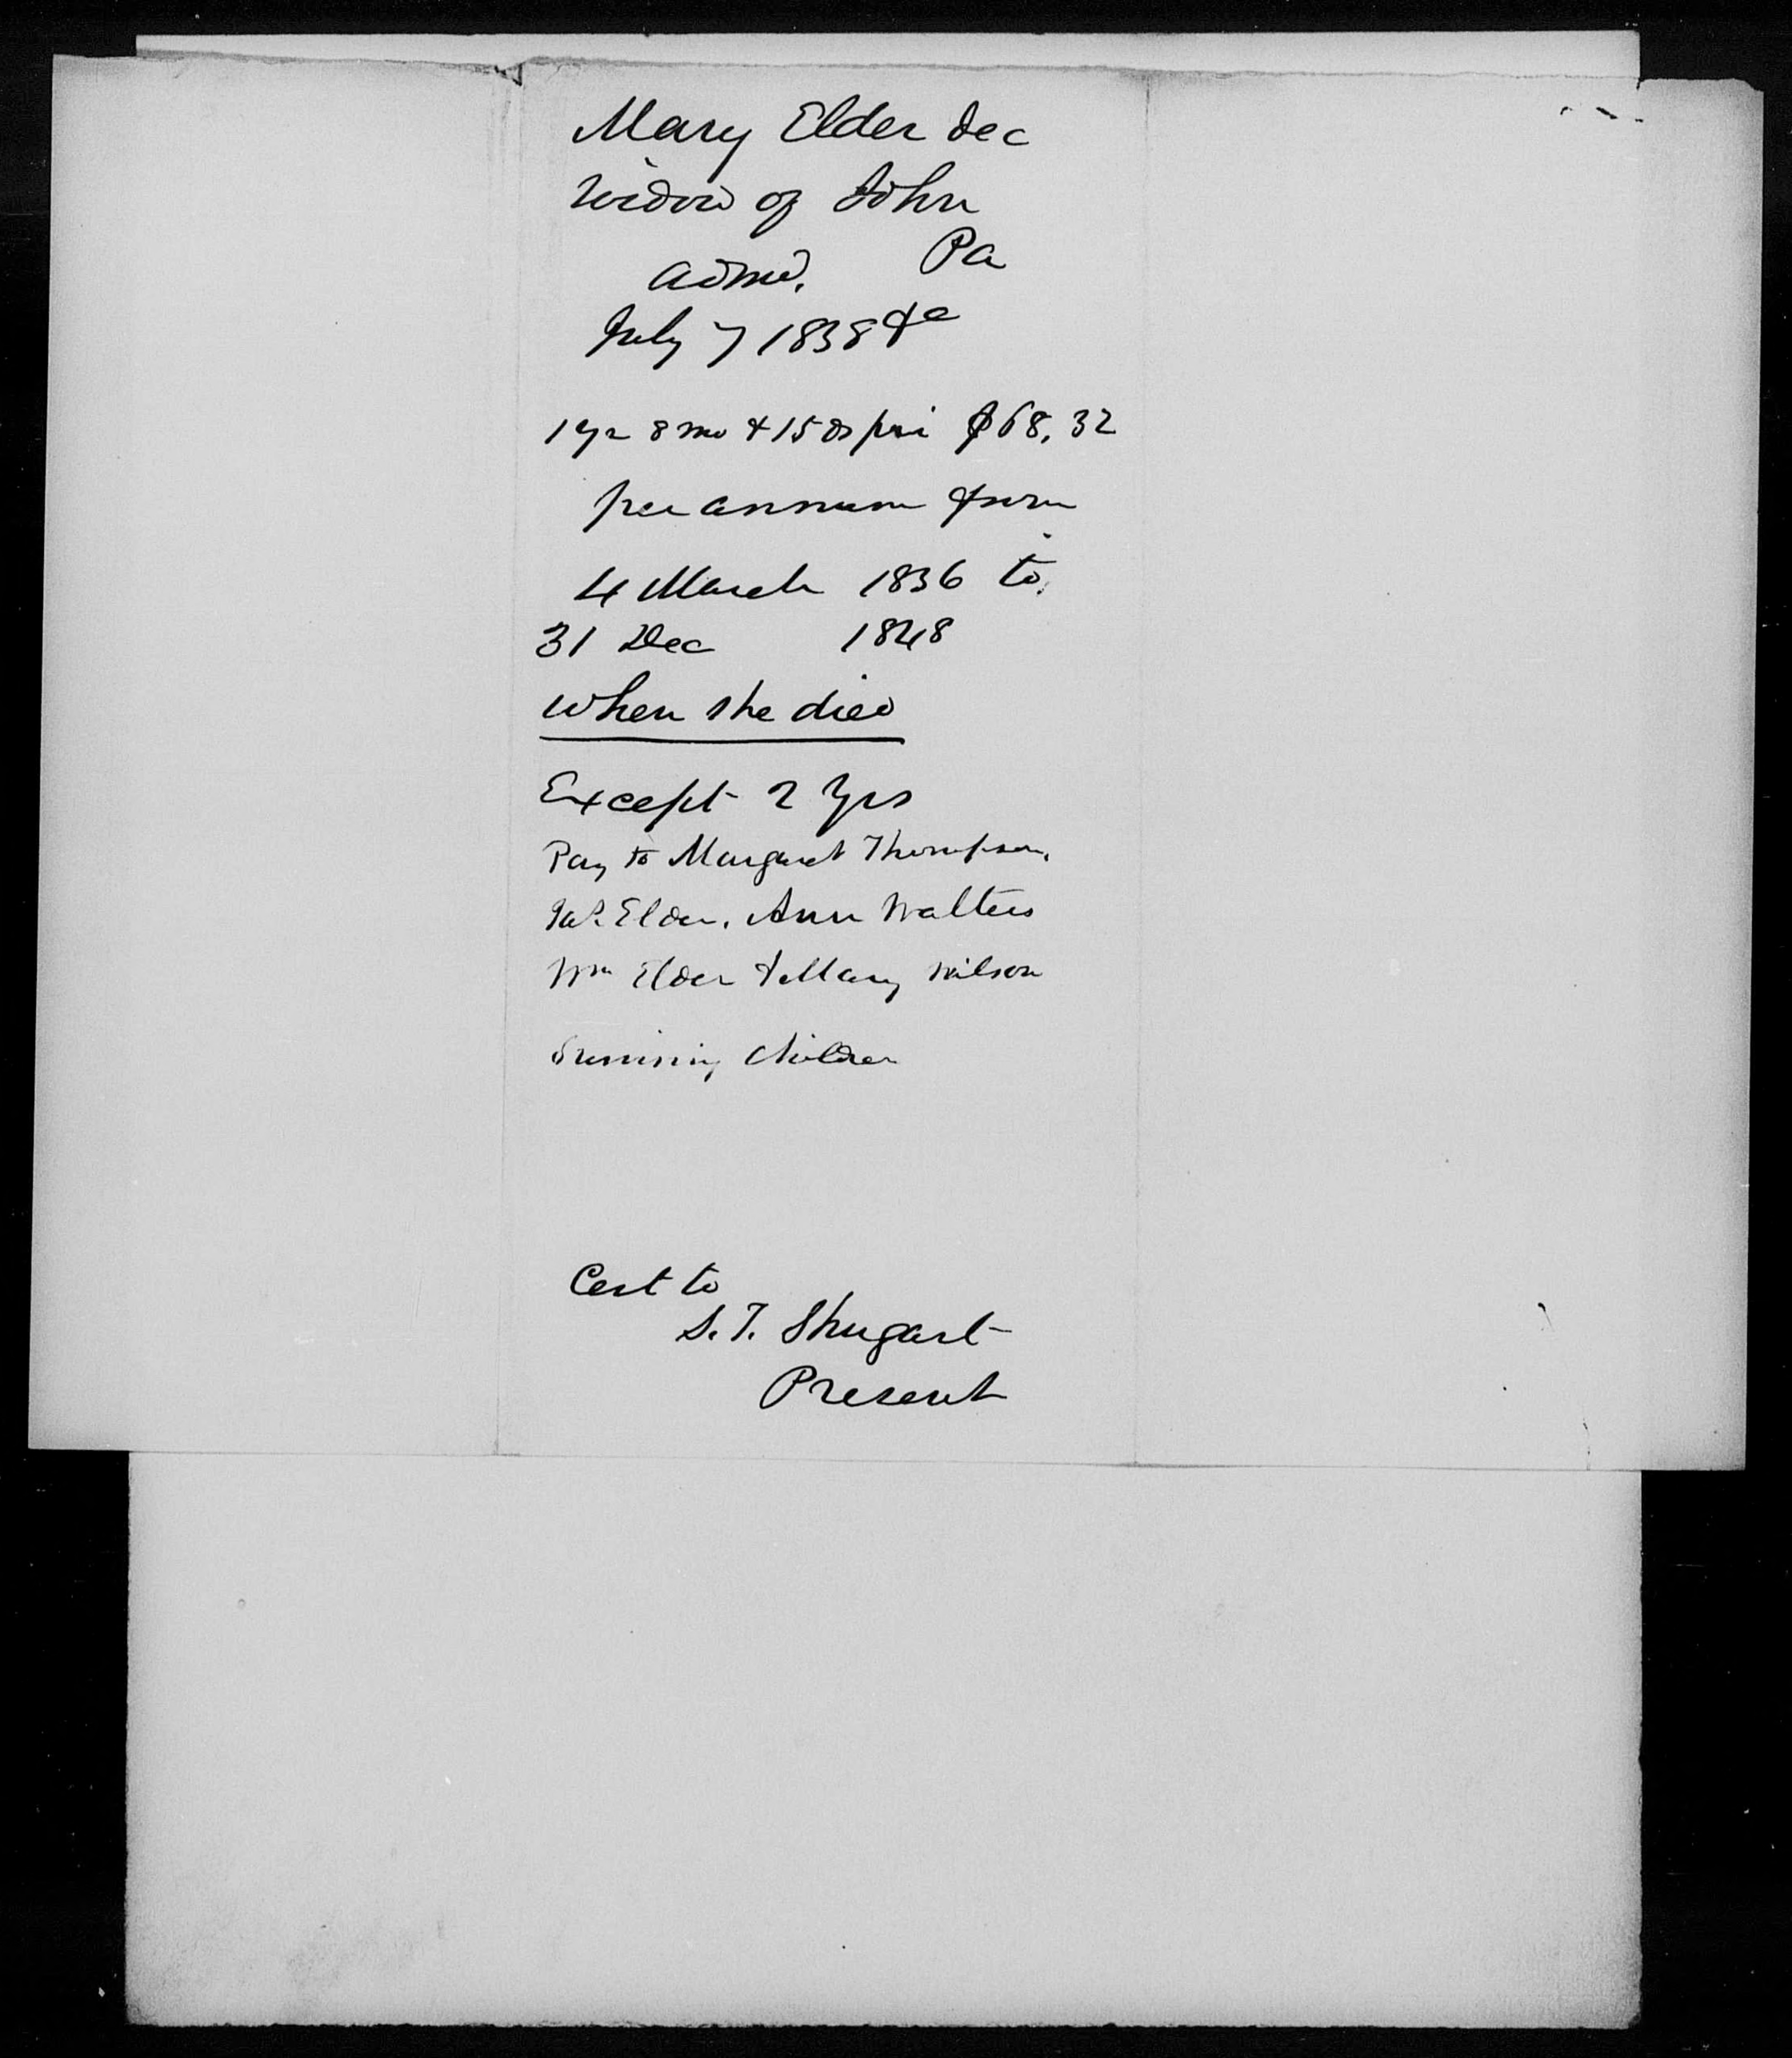Mary Elder Dec
Widow of John
Admin.  Pa
July 7, 1838 &c
1 yr 8 mos +1500 pri J68.32
Per annum from
4 March 1836 to
31 Dec    1848
When she died
———————————————
Except - 2 yrs
Pay to Margaret Thompson
Jas Elder, Ann Walter’s
Wm Elder Tellary, Wilson
Surviving children

Cert to S.T. Shut art
Present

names: John Elder, S T Shugart, Mary Elder, Jas Elder, Wm Elder, Margaret Thompson, Mary Wilson, Ann Walters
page: 31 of 80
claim: widow's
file: W. 24117, John Elder, Penn.